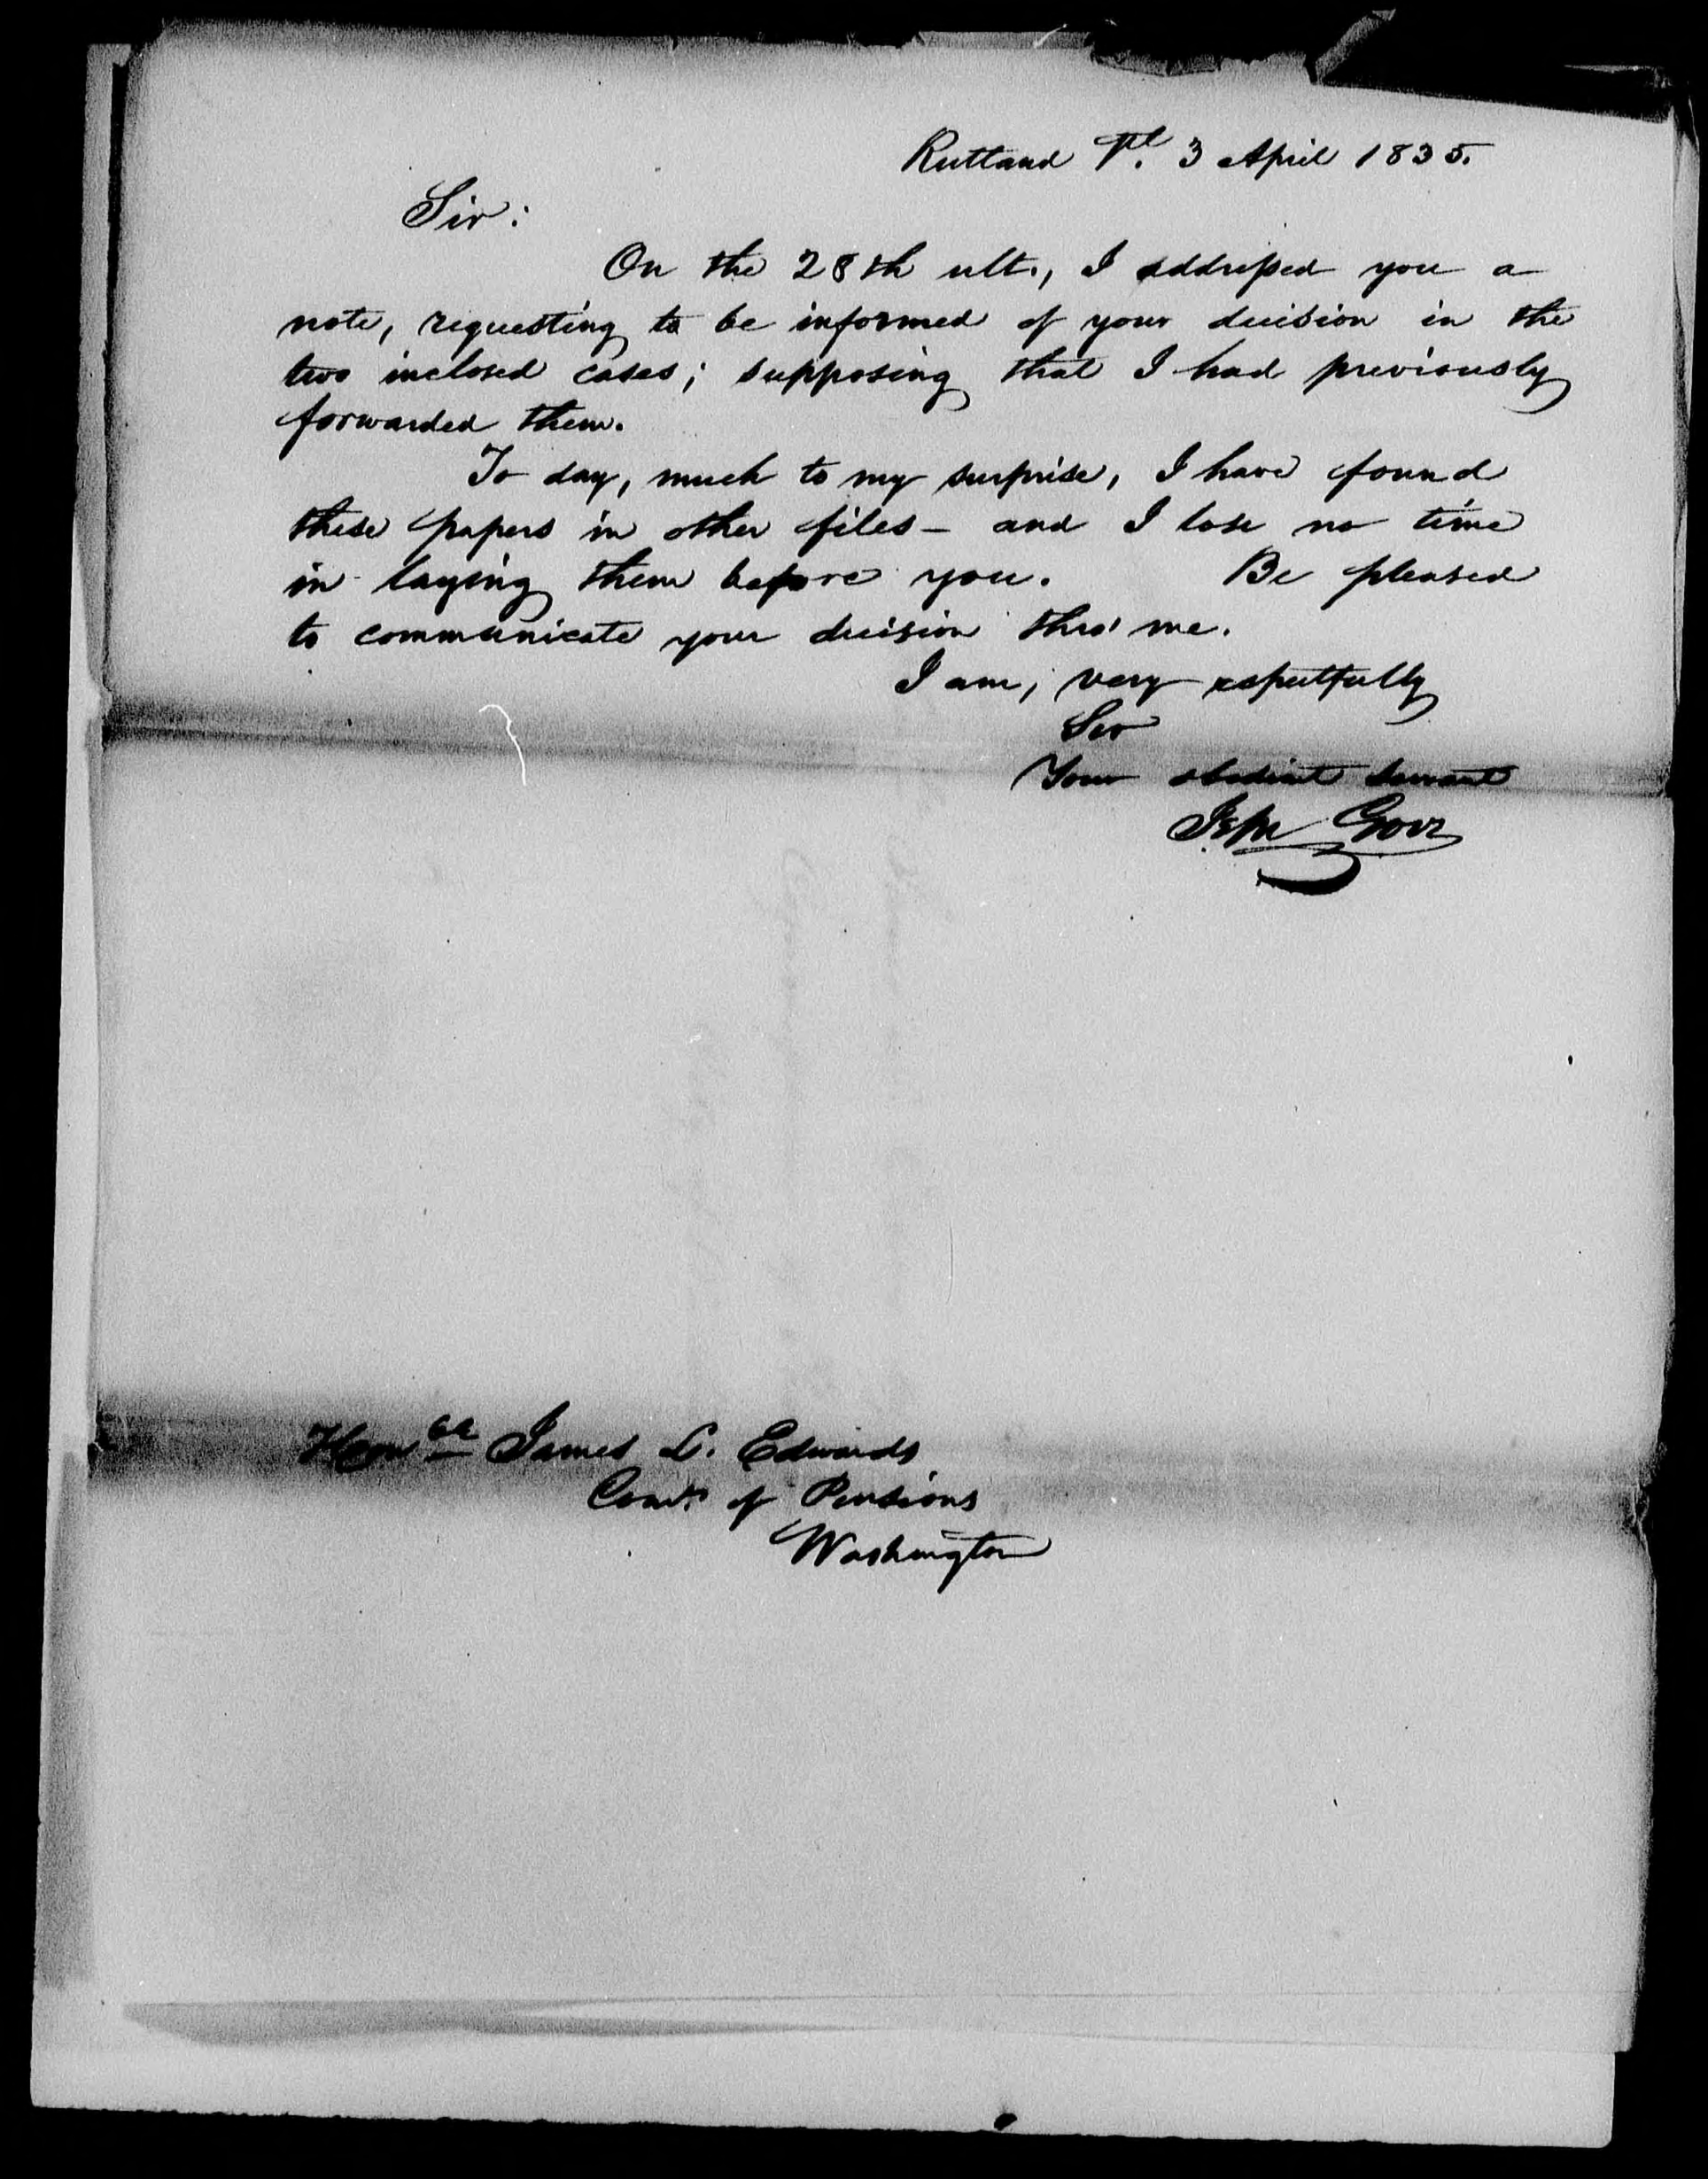[handwritten letter]
Rutland Vt. 3 April 1835.

Sir:
On the 28th ult., I addressed you a note, requesting to be informed of your decision in the two inclosed cases; supposing that I had previously forwarded them. 
To day, much to my surprise, I have found these papers in other files - and I lose no time in laying them before you. Be pleased to communicate your decision [illegible] me. 
I am, very respectfully, Sir Your obedient Servant
/s/Jesse Gove

Hon'ble James L. Edwards
Com'r of Pensions
Washington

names: Jesse Gove, James L Edwards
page: 30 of 33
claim: survivor's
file: S. 12632, William Crossman, Mass. Vt.